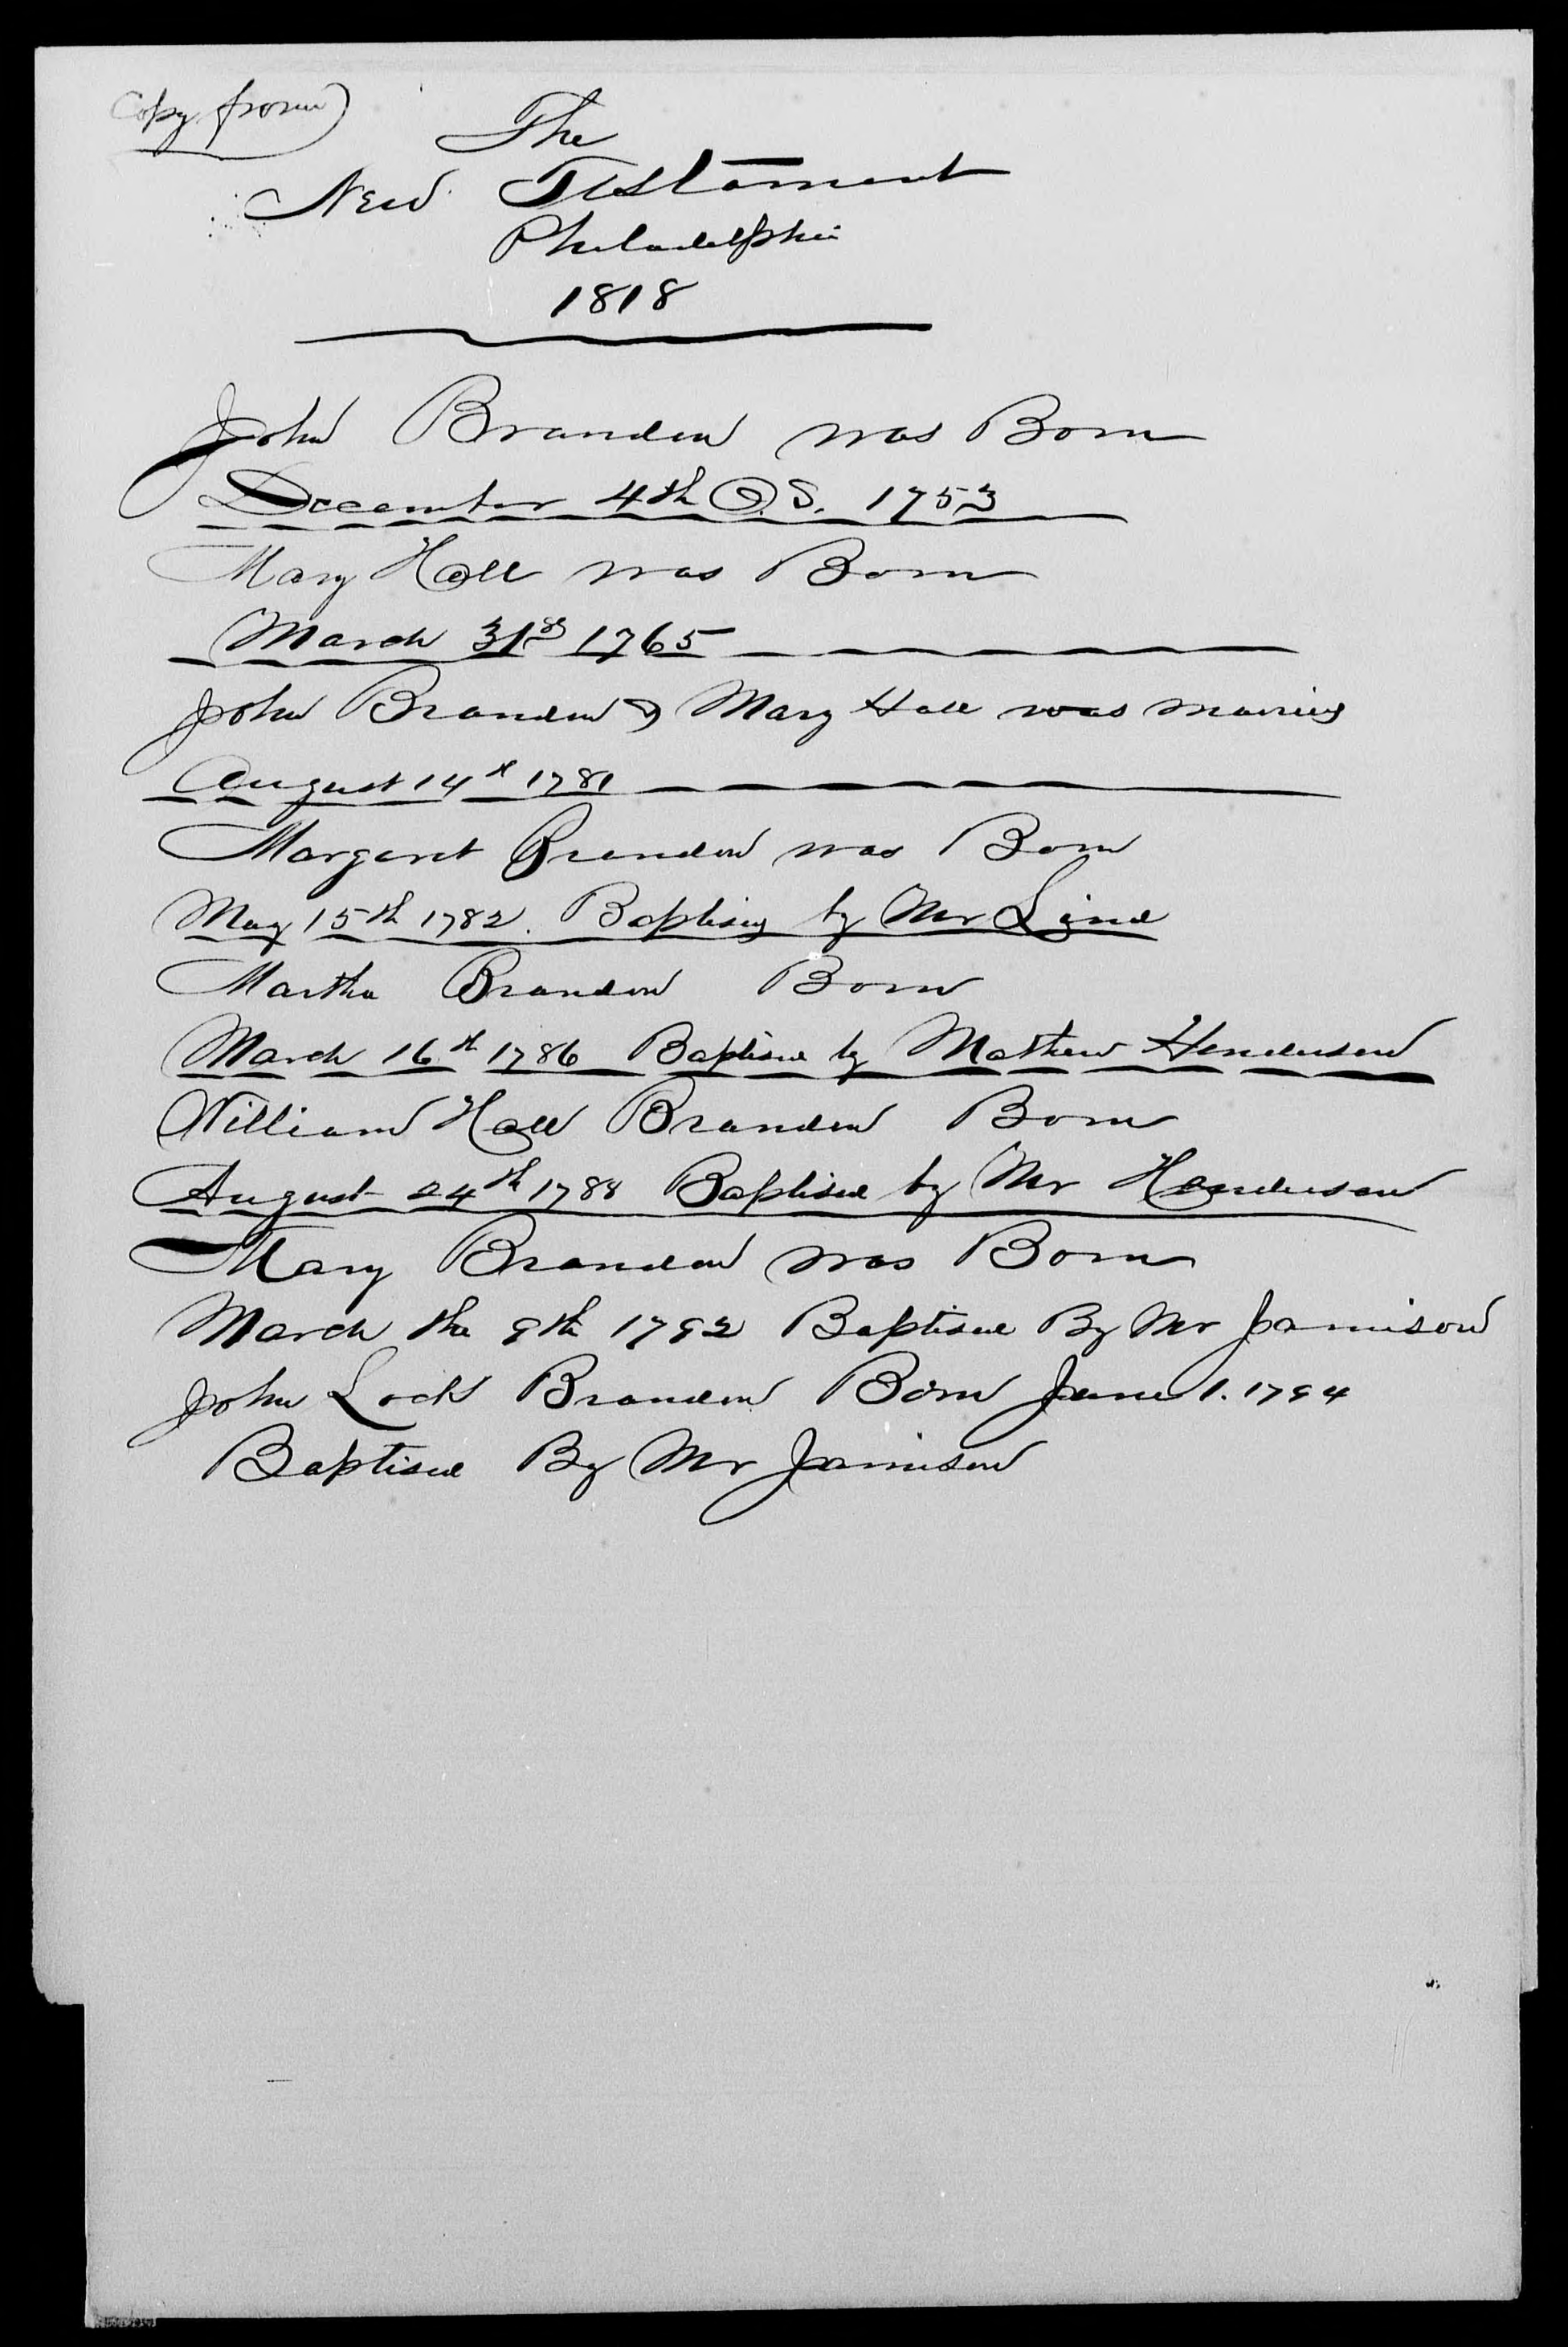Copy from
The
New Testament
Philadelphia
1818
-
John Brandon was Born
December 4th @ S. 1753
-
Mary Hall was Born
March 31st 1765
-
John Brandon & Mary Hall was married
August 14th 1781
-
Margaret Brandon was Born
May 15th 1782. Baptism by Mr Line
-
Martha Brandon Born
March 16th 1786 Baptism by Mathew Henderson
-
William Hall Brandon Born
August 24th 1788 Baptism by Mr Henderson 
-
Mary Brandon was Born
March the 9th 1782 Baptism By Mr Jamison
John Lock Brandon Born Janu 1, 1794
Baptism by Mr Jamison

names: Jamison, John Lock Brandon, Jamison, John Brandon, Mary Hall, Henderson, Mathew Henderson, Martha Brandon, John Brandon, Mary Brandon, Margaret Brandon, Mary Hall, William Hall Brandon, Lind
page: 50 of 83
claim: widow's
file: W. 5946, John Brandon, Penn